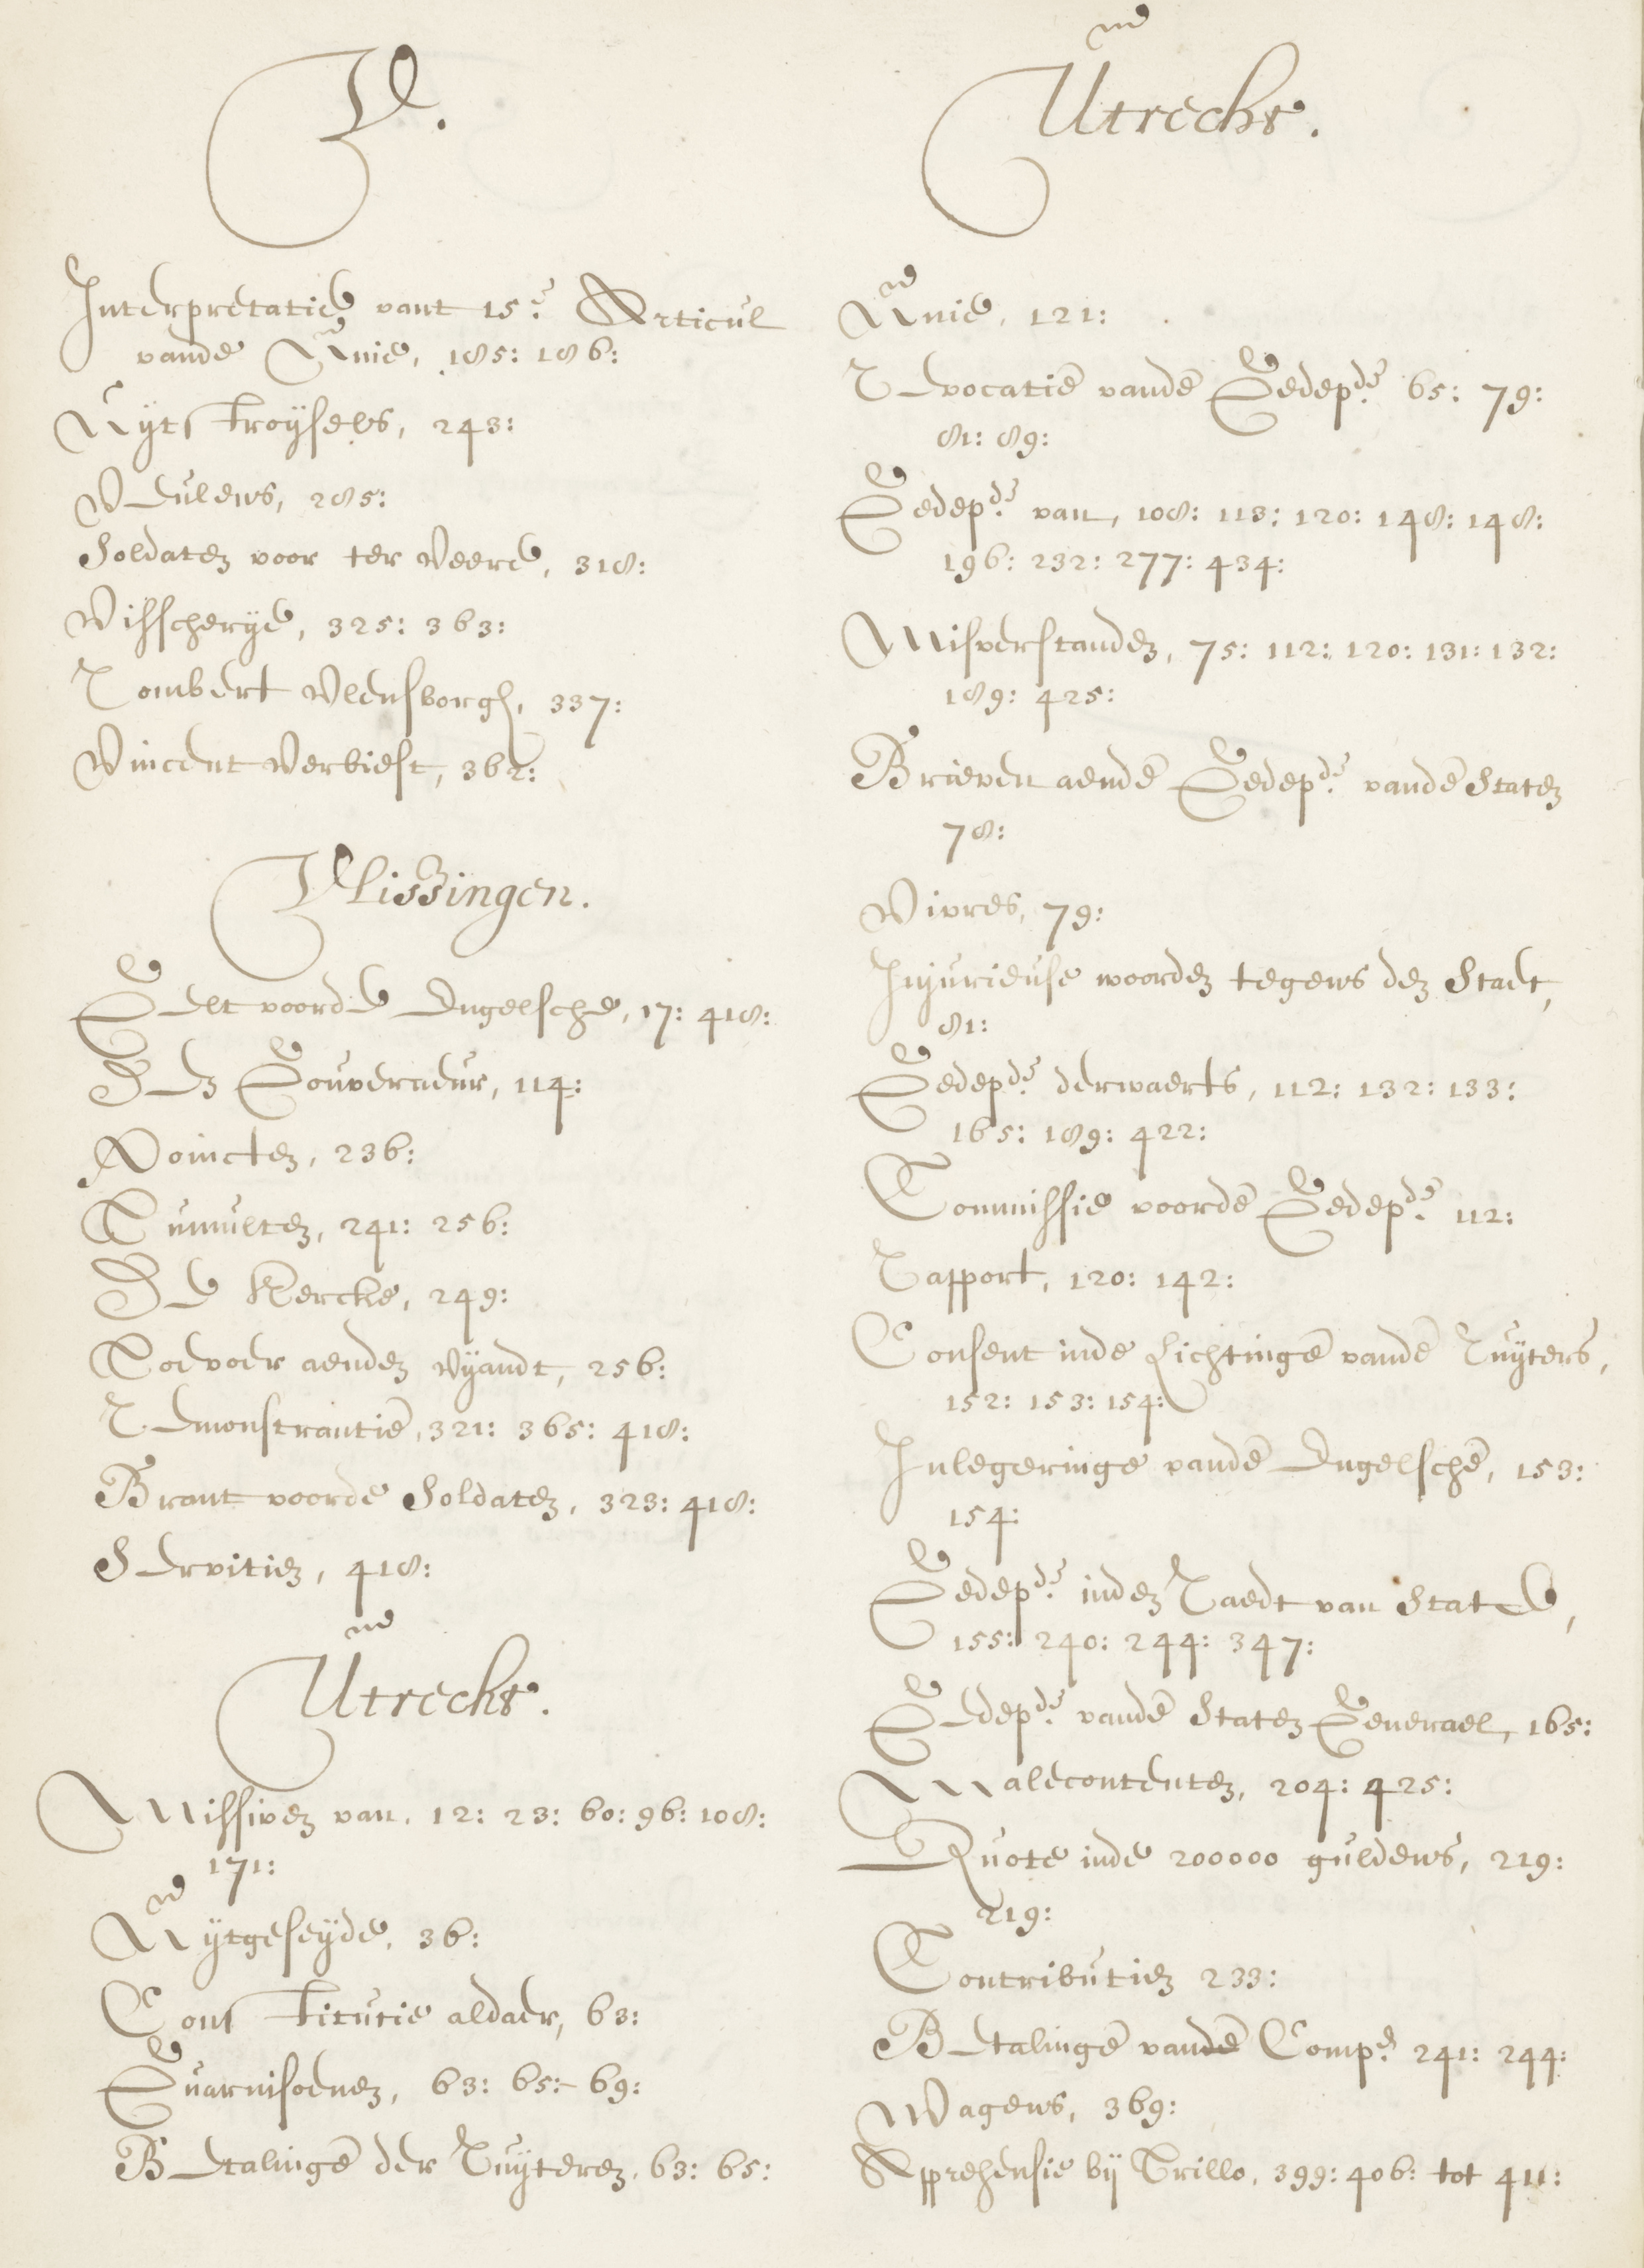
V.
Interpretatie vant 15e. Articul
vande Unie, 185: 186:
Uijtstroijsels, 243:
Veulens, 285:
Soldaten voor ter Veere, 318:
Visscherije, 325: 363:
Rombert Veensborgh, 337:
Vincent Verbiest, 362:
Vlissingen.
Gelt voorde Engelsche, 17: 418:
Den Gouverneur, 114:
Poincten, 236:
Tumulten, 241: 256:
De Kercke, 249:
Toevoer aenden Vijandt, 256:
Remonstrantie, 321: 365: 418:
Brant voorde Soldaten, 323: 418:
Servitien, 418:
Utrecht.
Missiven van, 12: 23: 60: 96: 108:
171:
Uijtgeseijde, 36:
Constitutie aldaer, 63:
Guarnisoenen, 63: 65: 69:
Betalinge der Ruijteren, 63: 65:
Utrecht.
Unie, 121:
Revocatie vande Gedepde. 65: 79:
81: 89:
Gedepde. van, 108: 113, 120: 148: 148:
196: 232: 277: 434:
Misverstanden, 75: 112: 120: 131: 132:
189: 425:
Brieven aende Gedepde. vande Staten
78:
Vivres, 79:
Injurieuse woorden tegens den Staet,
81:
Gedepde. derwaerts, 112: 132: 133:
165: 189: 422:
Commissie voorde Gedepde. 112:
Rapport, 120: 142:
Consent inde Lichtinge vande Ruijters,
152: 153: 154:
Inlegeringe vande Engelsche, 153:
154:
Gedepde. inden Raedt van State,
155: 240: 244: 347:
Gedepde. vande Staten Generael, 165:
Malecontenten, 204: 425:
Quote inde 200000 guldens, 219:
219:
Contributien 233:
Betalinge vande Compe. 241: 244:
Wagens, 369:
Apprehensie bij Trillo, 399: 406: tot 411:
